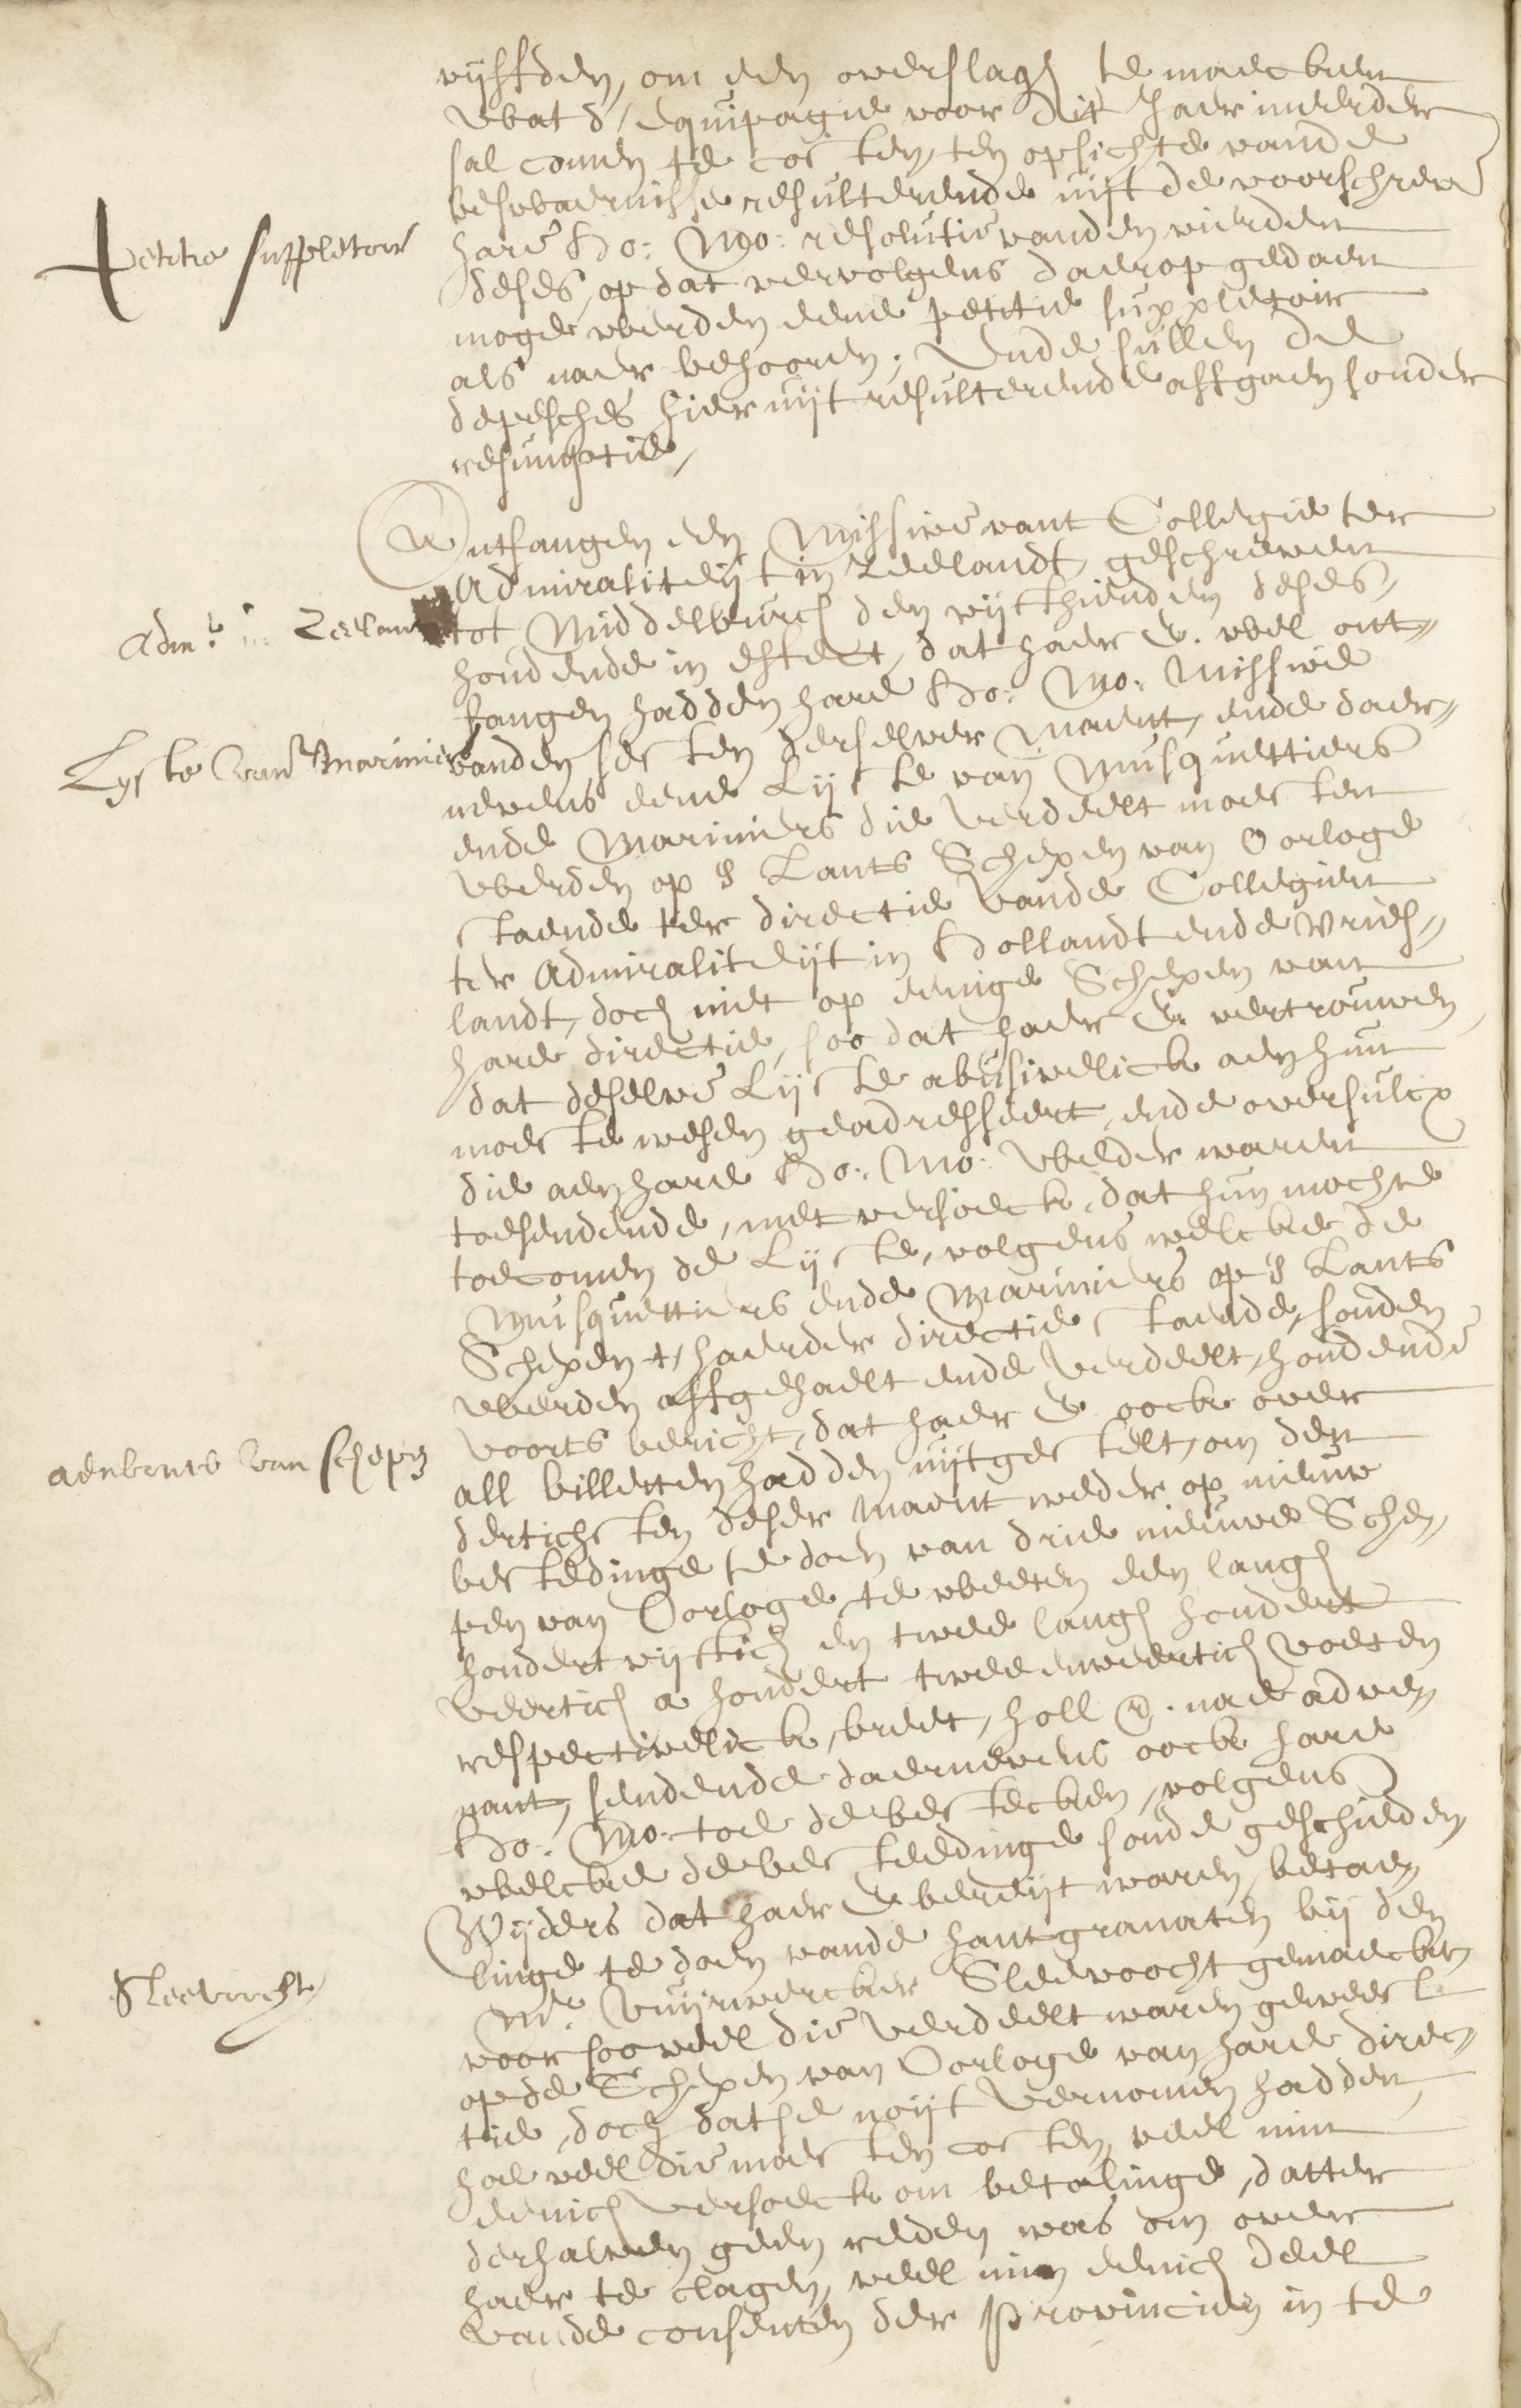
Petitie Suppletoir
vijffden, om een overslagh te maecken
wat d'Equipagie voor dit Jaer meerder
sal comen te costen, ten opsichte vande
beswaernisse resulterende uijt de voorschreve
hare Ho:Mo: resolutie vanden vierden
deses, opdat vervolgens daerop gedaen
moge werden eene petitie suppletoir
als naer behooren; Ende sullen de
depesches hieruijt resulterende affgaen sonder
resumptie.
Admt. in Zeelan(dt)
Lyste van Mariniers
aenbouw van Schepen
Sleevoocht
Ontfangen een Missive vant Collegie ter
Admiraliteijt in Zeelandt, geschreven
tot Middelburch den vijfthienden deses,
houdende in effect, dat haer E. wel ont„
fangen hadden hare Ho:Mo: Missive
vanden sesten derselver maent, ende daer„
nevens eene Lijste van musquettiers
ende mariniers die verdeelt moesten
werden op 's Lants Schepen van Oorloge
staende ter directie vande Collegien
ter Admiraliteijt in Hollandt ende Vries„
landt, doch niet op eenige Schepen van
hare directie, soo dat haer E. vertrouwen
dat deselve Lijste abusivelick aen hun
moeste wesen geadresseert, ende oversulcx
die aen hare Ho:Mo: weder waren
toesendende, met versoeck, dat hun mochte
toecomen de Lijste, volgens welcke de
musquettiers ende mariniers op 's Lants
Schepen t‛haerder directie staende, souden
werden affgehaelt ende verdeelt, houdende
voorts bericht, dat haer E. oock over
all billetten hadden uijtgestelt, om den
dertichsten deser maent weder op nieuw
bestedinge te doen van drie nieuwe Sche,,
pen van Oorloge, te weeten een langh
hondert vijftich en twee langh hondert
veertich a hondert twee enveertich voeten
respectivelick, breet, holl &. nae adve„
nant, sendende daernevens oock hare
Ho:Mo: toe de bestecken, volgens
welcke de besteedinge soude geschieden,
Wijders dat haer E bereijt waren, betae„
linge te doen vande hantgranaten bij den
Mr. Vuijrwercker Sleevoocht gemaeckt,
voor sooveel die verdeelt waren geweest
opde Schepen van Oorloge van hare direc,,
tie, doch datse noijt vernomen hadden
hoe veel die moesten costen, veel min
eenich versoeck om betalinge, datter
derhalven geen reden was om over
haer te clagen, veel min eenich deel
vande consenten der Provincien in te
